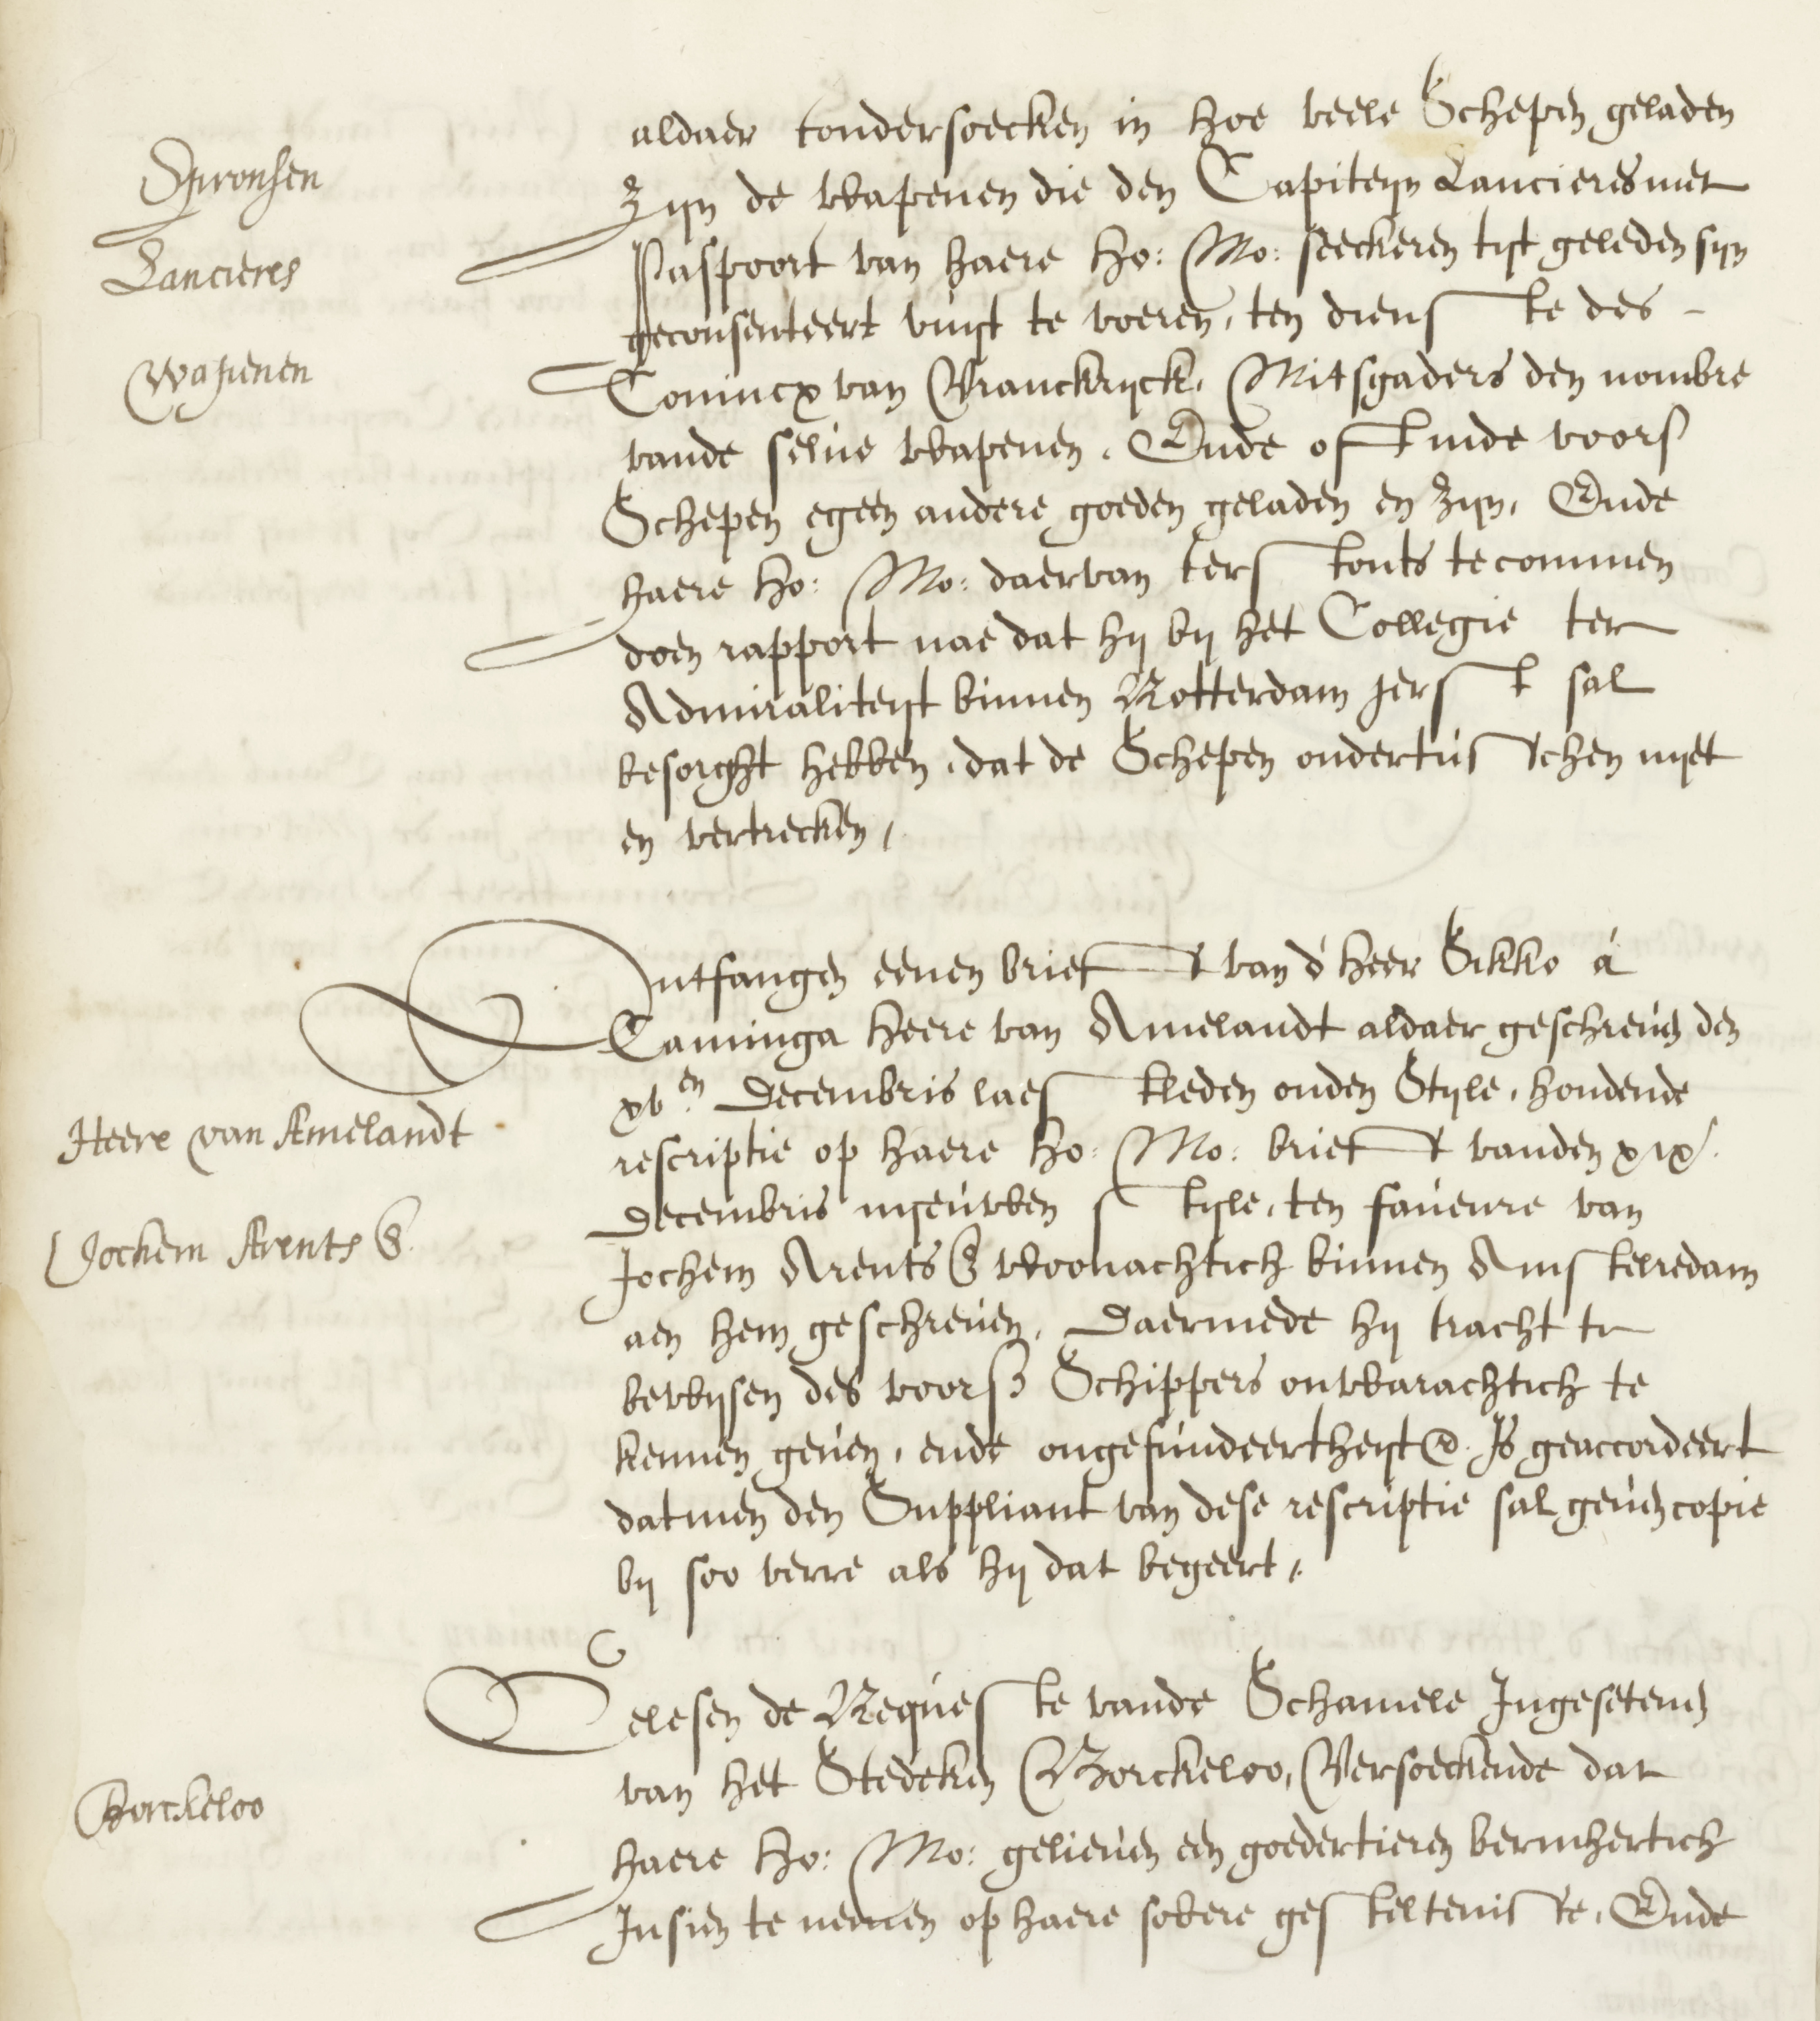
Spronsen
Lancieres
Wapenen
aldaer tondersoecken in hoe veele schepen geladen
zyn de wapenen die den Capiteyn Lanciers met
paspoort van haere Ho:Mo: seeckeren tyt geleden syn
geconsenteert vuyt te voeren, ten dienste des
Conincx van Vranckryck, mitsgaders den nombre
vande selue wapenen. Ende off inde voors
Schepen egeen andere goeden geladen en zyn. Ende
haere Ho:Mo: daervan terstonts te commen
doen rapport nae dat hy by het Collegie ter
Admiraliteyt binnen Rotterdam ierst sal
besorght hebben, dat de Schepen ondertusschen nyet
en vertrecken.
Heere van Amelandt
Jochem Aerentsz.
Ontfangen eenen brieff van d'heer Sikke á
Caminga heere van Amelandt aldaer geschreuen den
xven Decembris laestleden ouden Style, houdende
rescriptie op haere Ho:Mo: brieff vanden xix.
Decembris nyeuwen style ten faueure van
Jochem Arentsz woonachtich binnen Amstelredam
aen hem geschreuen, Daermede hy tracht te
bewysen des voors Schippers onwarachtich te
kennen geuen ende ongefundeertheyt E. Is geaccordeert
datmen den Suppliant van dese rescriptie sal geuen copie
bij soo verre als hy dat begeert.
Borckeloo
Gelesen de Requeste vande Schamele Ingeseten
van het Stedeken Borckeloo. Versoeckende dat
haere Ho:Mo: gelieuen een goedertieren bermhertich
Insien te nemen op haere sobere gesteltenisse. Ende
